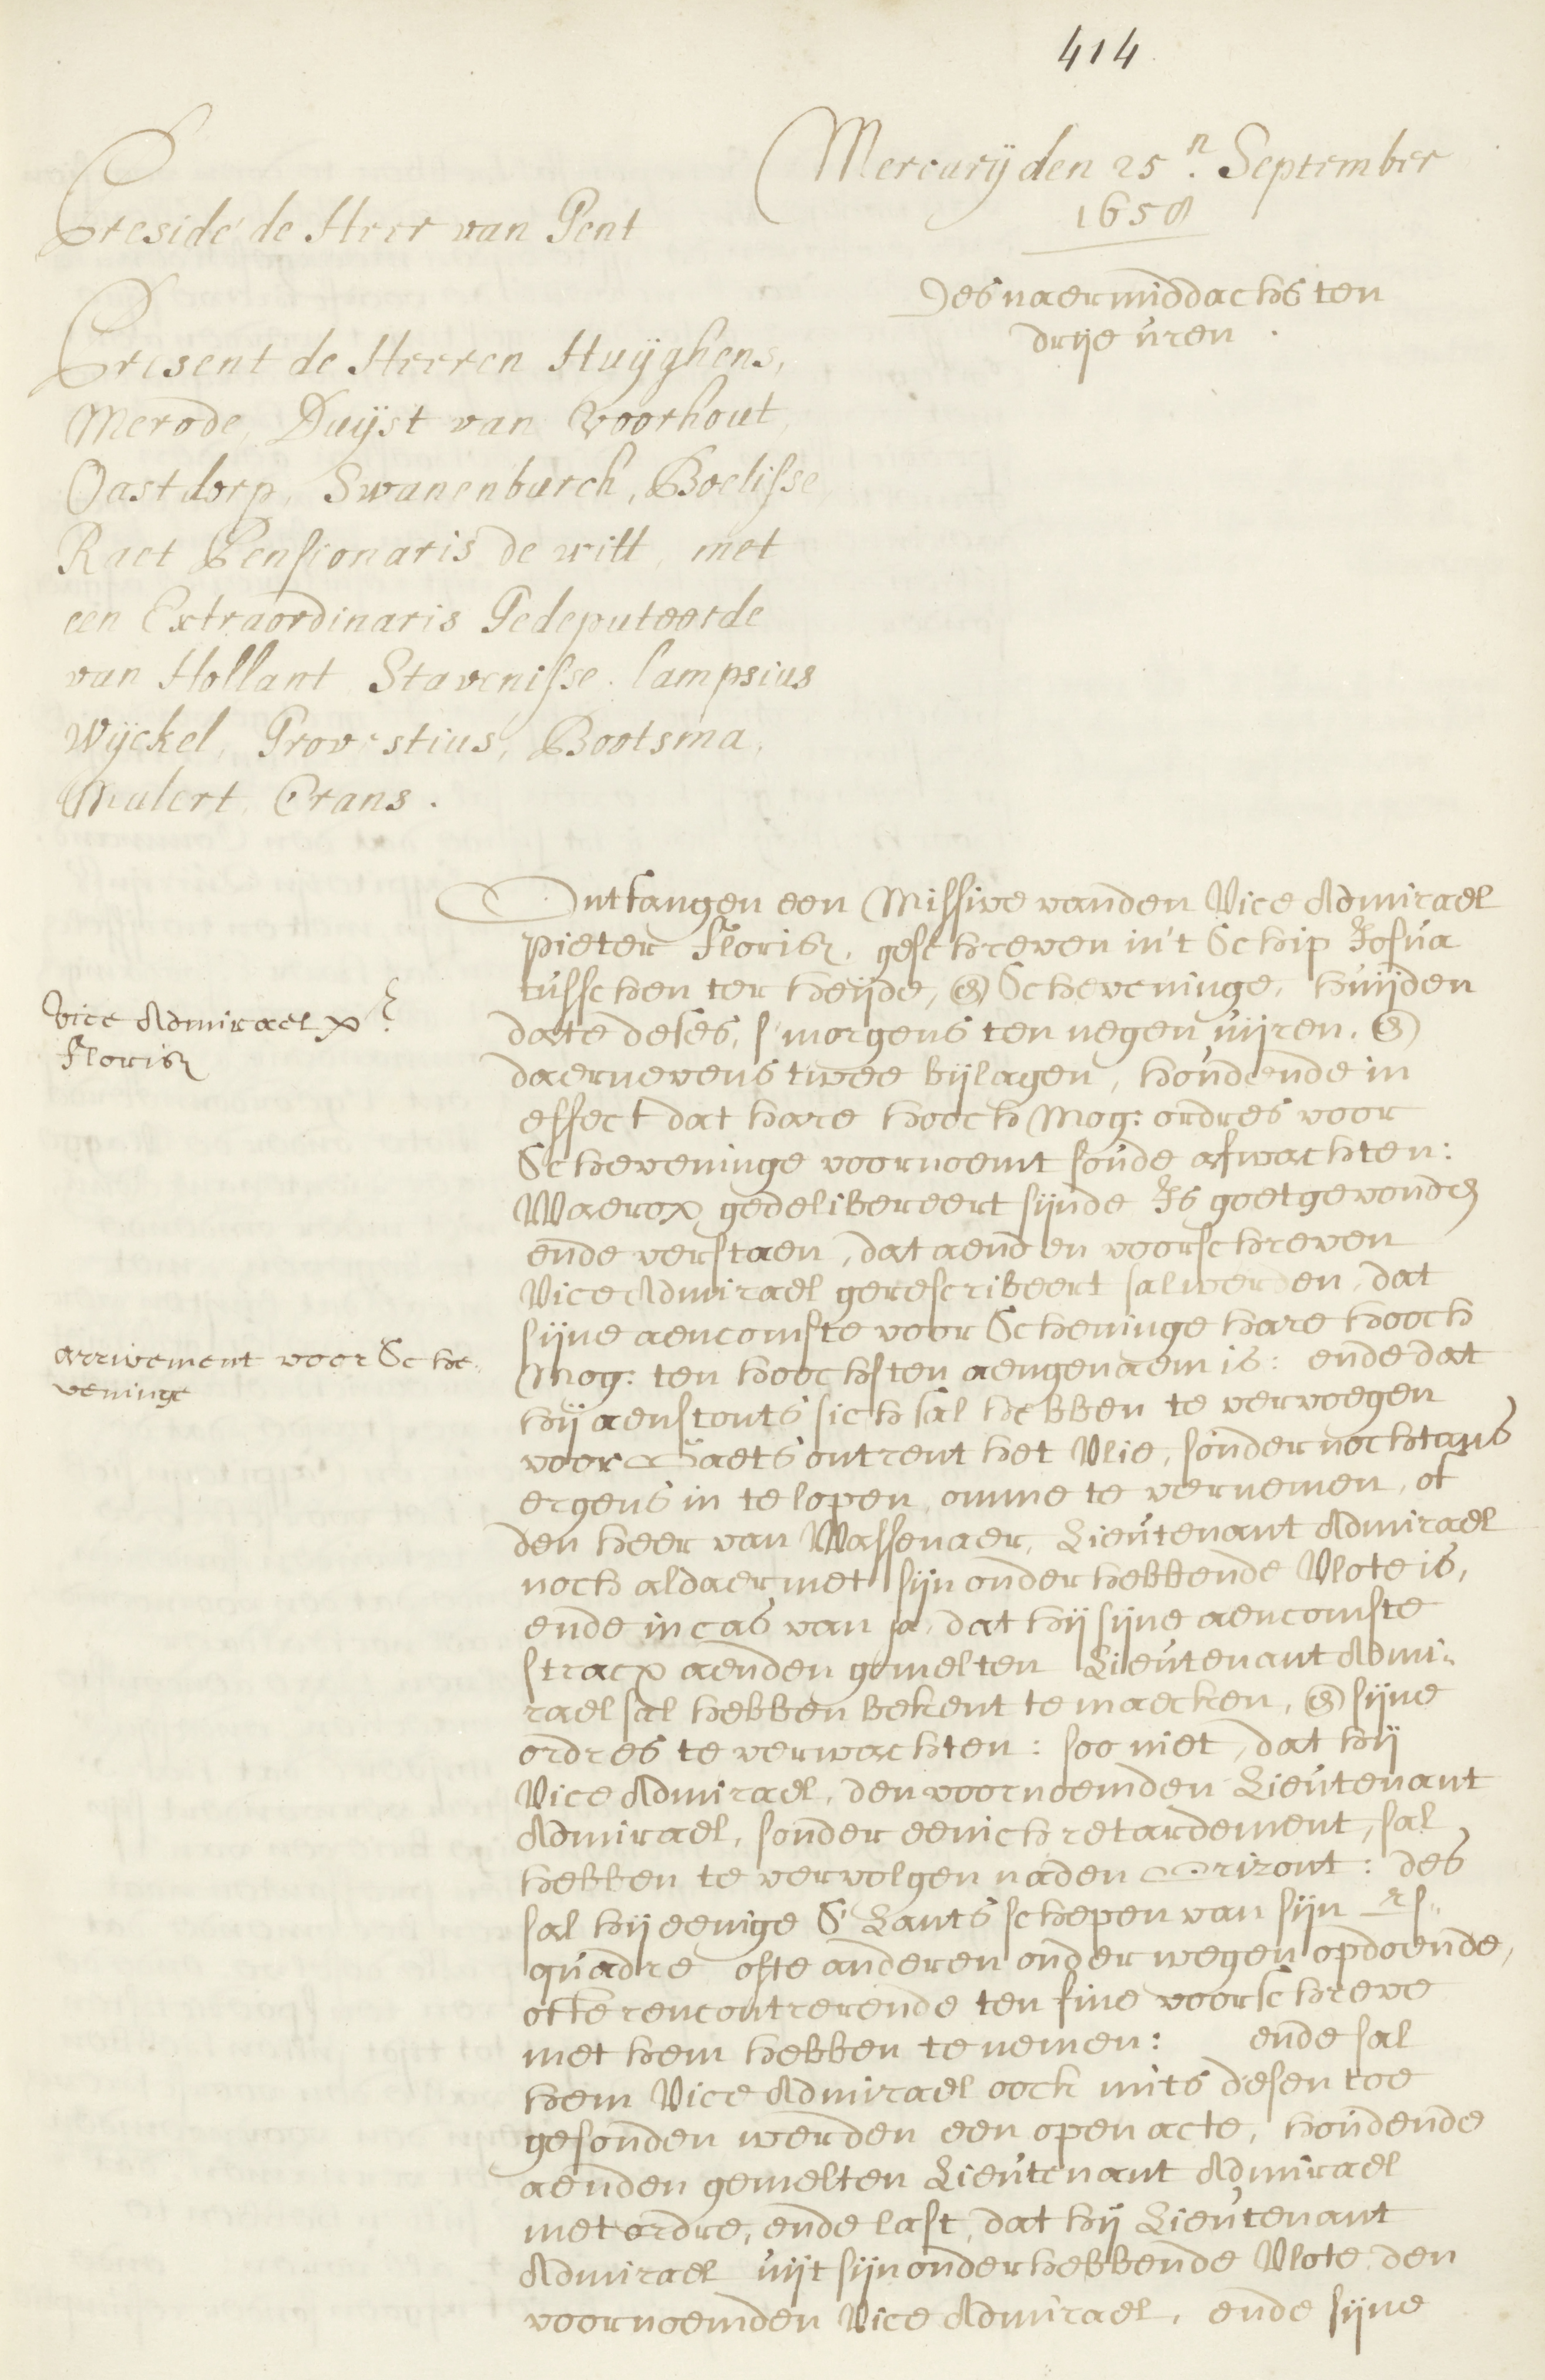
414
Mercurij den 25n. September.
1658
Des naermiddachs ten
drije uren.
Preside de Heer van Gent
Present de Heeren Huijghens,
Merode, Duijst van Voorhout,
Oostdorp, Swanenburch, Boelisse
Raet Pensionaris de witt, met
een Extraordinaris Gedeputeerde
van Hollant Stavenisse, Lampsius
Wijckel, Grovestins, Bootsma,
Mulert, Crans.
vice Admirael pr.
Florisz
Arrivement voor Sche„
veninge
Ontfangen een Missive vanden Vice Admirael
Pieter Florisz, geschreven in't Schip Josua
tusschen ter Heijde, & Scheveninge, huijden
date deses, s‛morgens ten negen uijren. &
daernevens twee bijlagen, houdende in
effect dat hare hooch Mog: ordres voor
Scheveninge voornoemt soude afwachten:
Waerop gedelibereert sijnde, Is goetgevonden
ende verstaen, dat aenden voorschreven
Vice Admirael gerescribeert sal werden, dat
sijne aencomste voor Scheninge hare hooch
Mog: ten hoochsten aengenaem is: ende dat
hij aenstonts sich sal hebben te vervoegen
voor Gaets ontrent het Vlie, sonder nochtans
ergens in te lopen, omme te vernemen, of
den heer van Wassenaer, Lieutenant Admirael
noch aldaer met sijn onderhebbende Vlote is,
ende in cas van ja, dat hij sijne aencomste
stracx aenden gemelten Lieutenant Admi,,
rael sal hebben bekent te maecken, & sijne
ordres te verwachten: soo niet, dat hij
Vice Admirael, den voornoemden Lieutenant
Admirael, sonder eenich retardement, sal
hebben te vervolgen naden Orizont: des
sal hij eenige S‛ Lants schepen van sijn Es„
quadre ofte anderen onder wegen opdoende,
ofte rencontrerende ten fine voorschreve
met hem hebben te nemen: ende sal
hem Vice Admirael oock mits desen toe
gesonden werden een open acte, houdende
aenden gemelten Lieutenant Admirael
met ordre, ende last, dat hij Lieutenant
Admirael uijt sijn onderhebbende Vlote, den
voornoemden Vice Admirael, ende sijne
